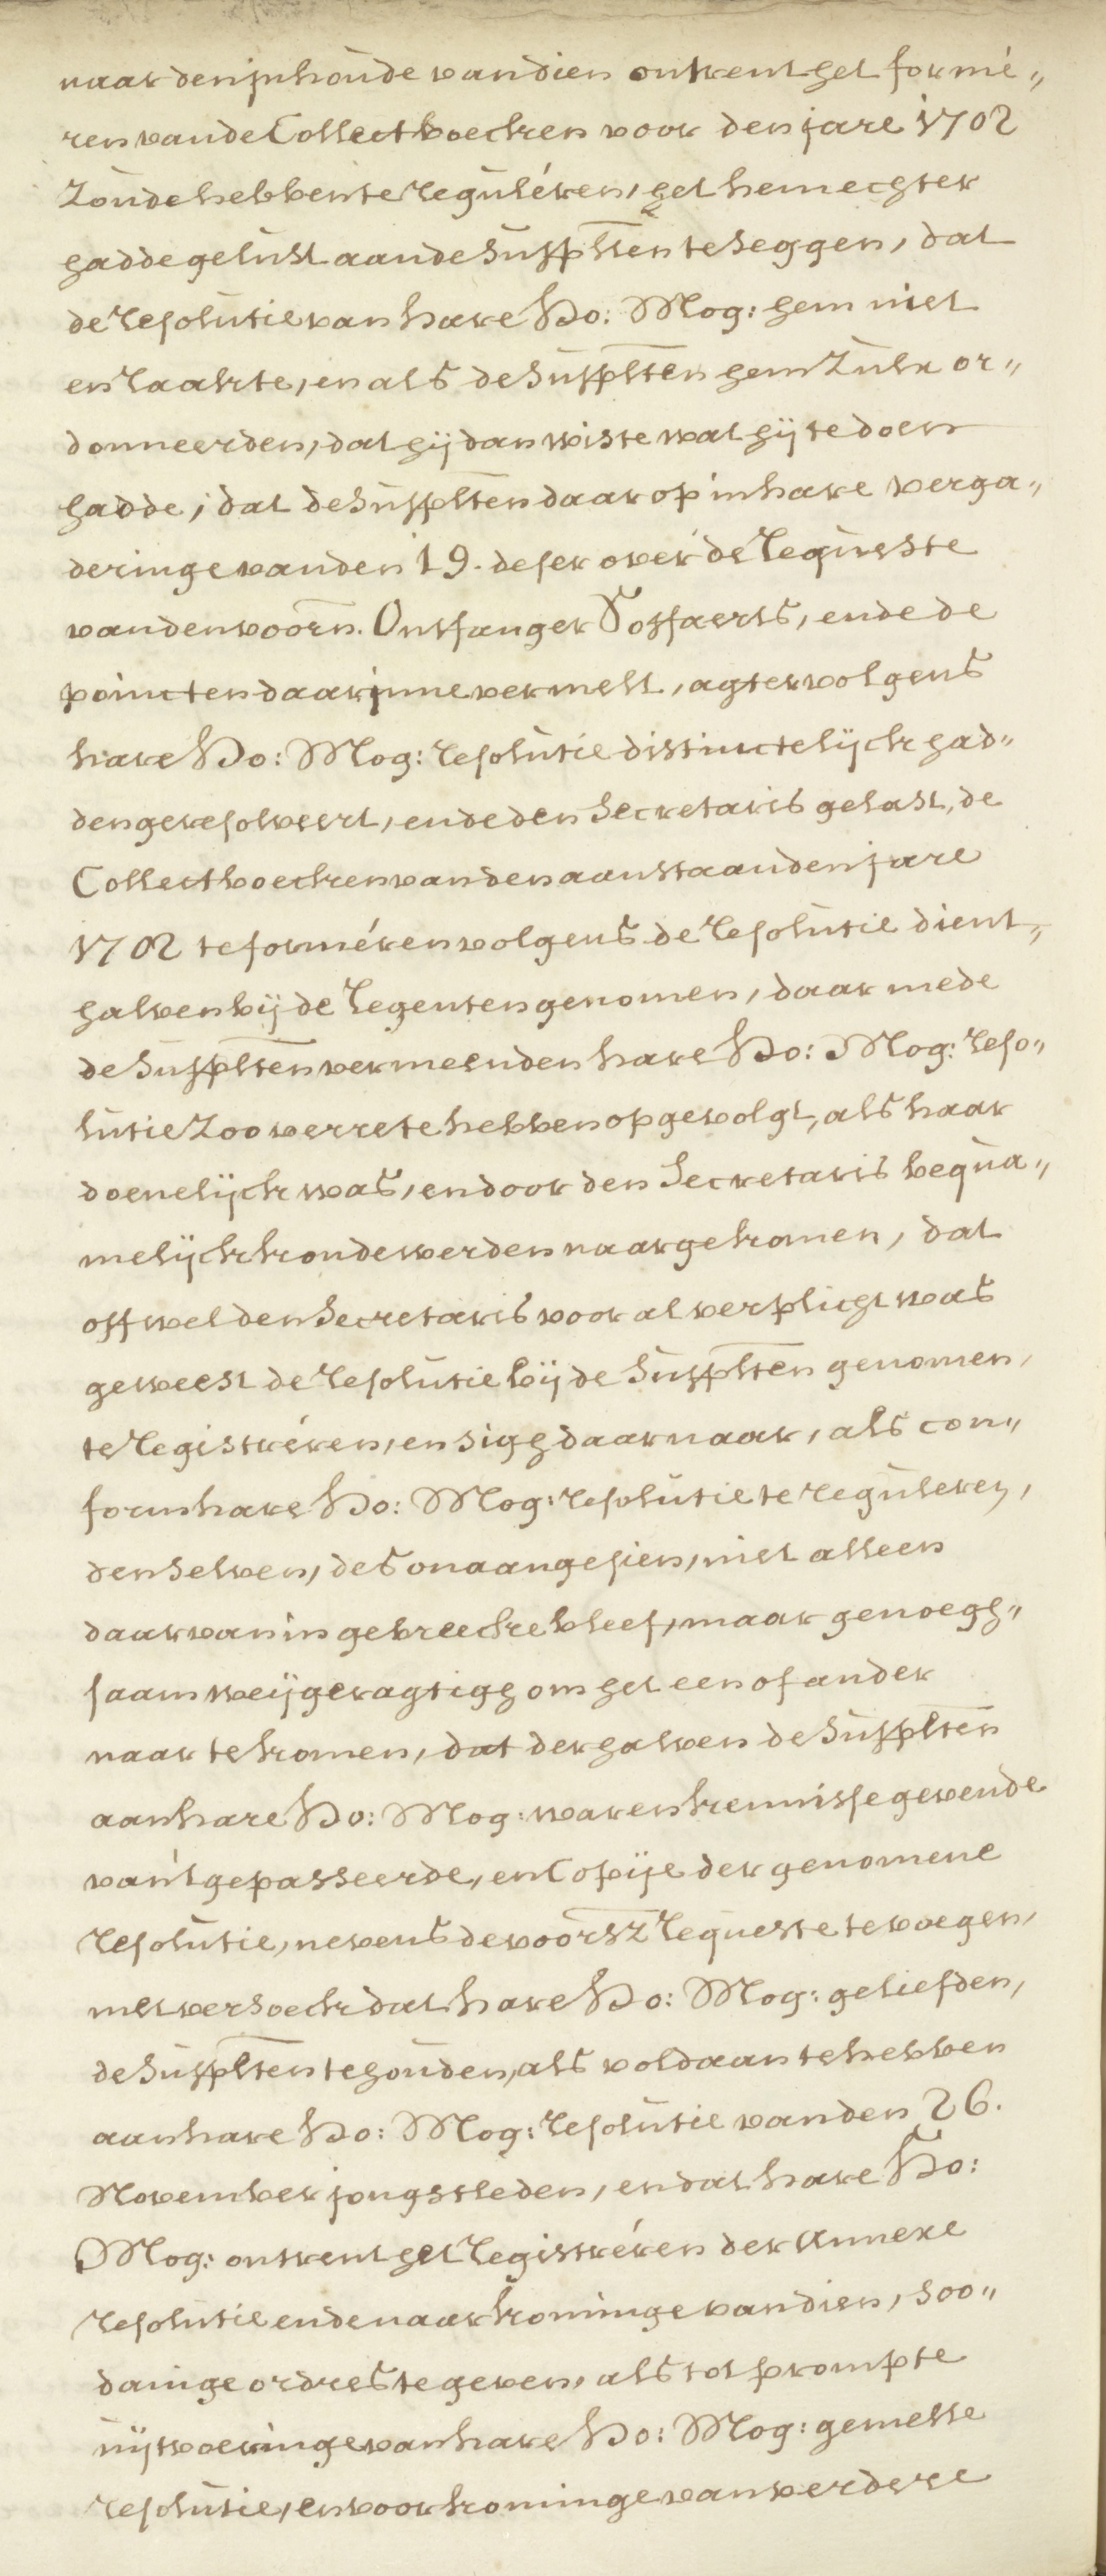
naar den inhoude vandien ontrent het forme„
ren vande Collectboecken voor den jare 1702
zoude hebben te reguleren, het hem echter
hadde gelust aande supplten te seggen, dat
de resolutie van hare Ho:Mog: hem niet
en raakte, en als de supplten hem zulx or„
donneerden, dat hij dan wiste wat hij te doen
hadde, dat de supplten daar op in hare verga„
deringe vanden 19. deser over de requeste
vanden voorn. Ontfanger Sossaerts, ende de
poincten daarinne vermelt, agtervolgens
hare Ho:Mog: resolutie distinctelijck had„,
den geresolveert, ende den secretaris gelast, de
Collectboecken van den aanstaanden jare
1702 te formeren volgens de resolutie dient,,
halven bij de regenten genomen, daar mede
de supplten vermeenden hare Ho:Mog: reso,,
lutie zooverre te hebben opgevolgt, als haar
doenelijck was, endoor den secretaris bequa„
melijckkonde werden naargekomen, dat
offwel den secretaris voor al verplicht was
geweest de resolutie bij de supplten genomen,
te registreren, en sigh daarnaar, als con„
form hare Ho:Mog: resolutie te reguleren,
denselven, desonaangesien, niet alleen
daarvan in gebreecke bleef, maar genoegh„
saam weijgeragtigh om het een of ander
naar te komen, dat derhalven de supplten
aan hare Ho:Mog: waren kennissegevende
van't gepasseerde, en copije der genomene
resolutie, nevens de voorsz requeste te voegen.
met versoeck dat hare Ho:Mog: geliefden,
de supplten te houden als voldaan te hebben
aan hare Ho:Mog: resolutie vanden 26.
November jongstleden, en dat hare Ho:
Mog: ontrent het registreren der annexe
resolutie ende naarkominge vandien, soo„
danige ordres tegeven als tot prompte
uijtvoeringe van hare Ho:Mog: gemelte
resolutie, en voorkominge van verdere
